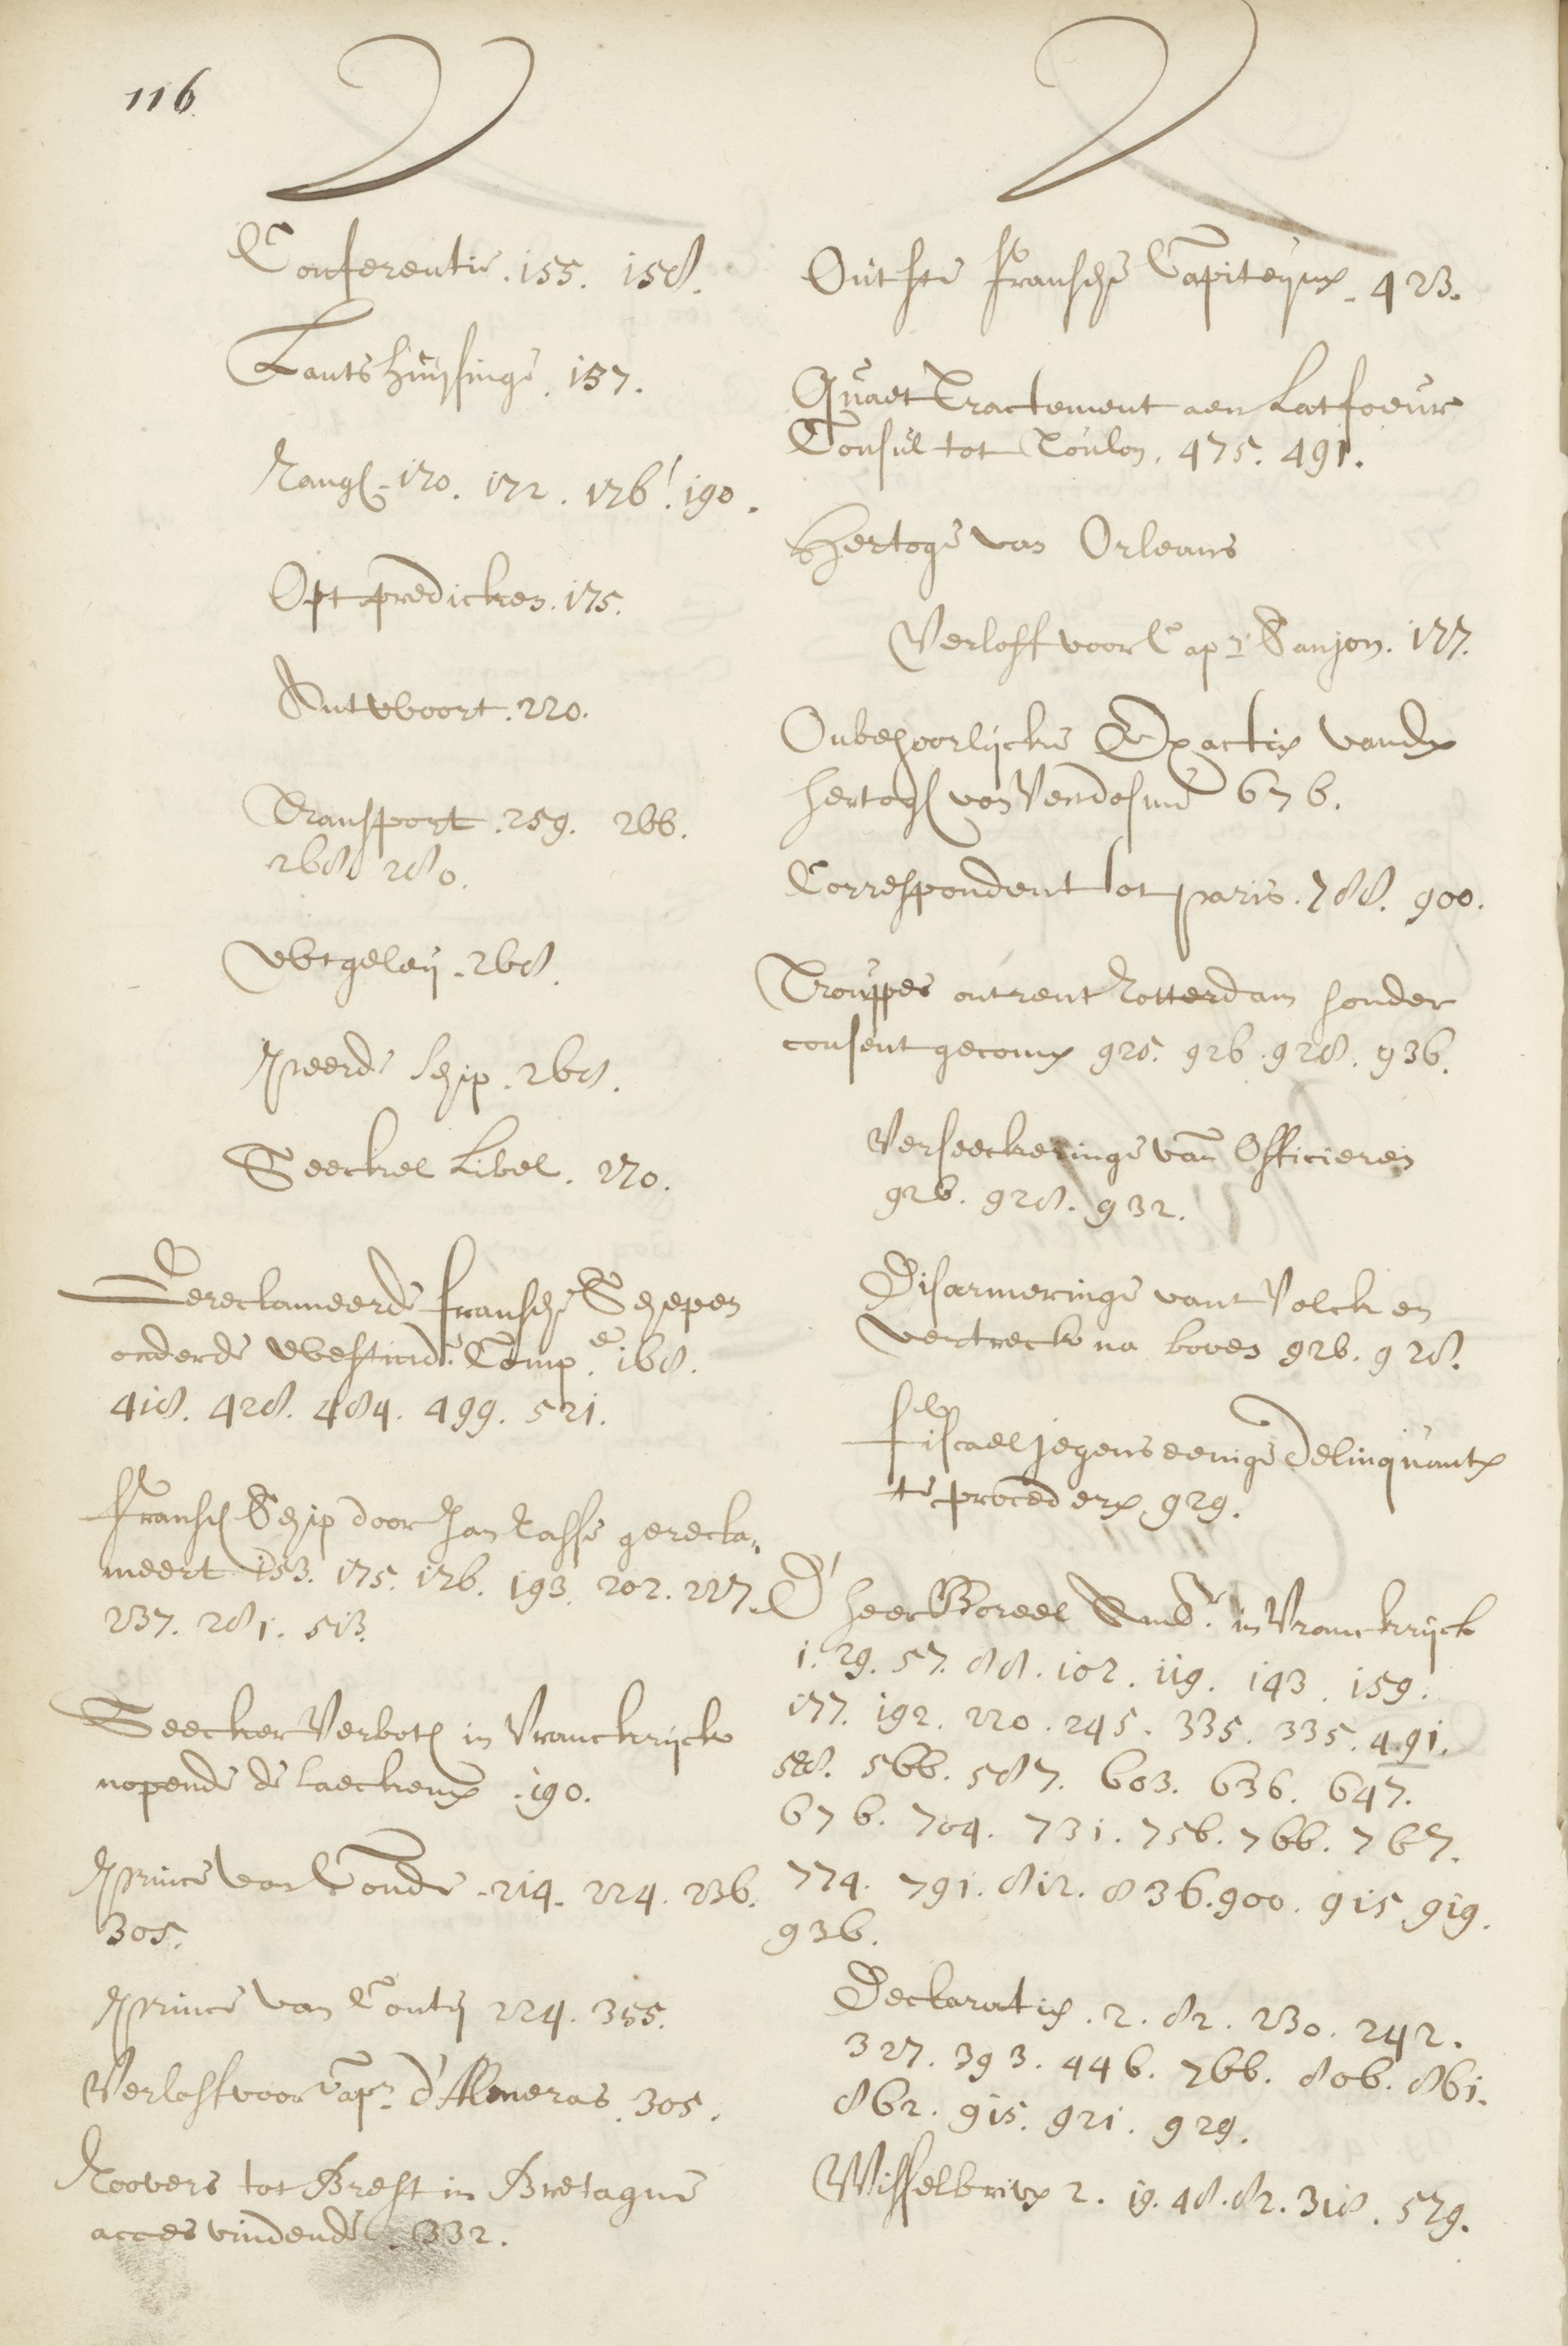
116.
V
Conferentie, 155, 158.
Lantshuijsinge, 157.
rangh, 170, 172, 176, 190.
Opt predicken, 175.
Antwoort, 220.
Transport, 259, 266.
268 280.
Wtgeleij, 268.
Peerde Schip, 268.
Seeckel Libel, 270.
Gereclameerde Fransche Schepen
onderde Westinde Compe. 168.
418, 428, 484, 499, 521.
Fransch Schip door Jan rasse gerecla„
meert 153, 175, 176, 193, 202, 227
237, 281, 513.
Seecker Verboth in Vranckrijck
nopende de laeckenen, 190.
Prince van Conde, 214, 224, 236,
305.
Prince van Contij 224, 355.
Verloff voor Capn d'Almeras, 305.
roovers tot Brest in Bretagne
acces vindende, 332.
V
Outste Fransche Capiteijnen, 423.
Quaet Tractement aen Latfoeur
Consul tot Toulon, 475, 491.
Hertoge van Orleans
Verloff voor Capn. Sanjon, 177.
Onbehoorlicke Exactien vanden
hertogh van Vendosme 676.
Correspondent tot paris, 788. 900.
Trouppes ontrent rotterdam sonder
consent gecomen 925, 926, 928, 936.
Verseeckeringe van Officieren
926, 928, 932.
Disarmeringe vant Volck en
vertreck na boven 926, 928.
Fiscael jegens eenige delinquanten
te procederen 929.
D'heer Boreel Ambr. in Vranckrijck
1, 29, 57, 88, 102, 119, 143, 159,
177, 192, 220, 245, 335, 335, 491,
528, 566, 587, 603, 636, 647,
676, 704. 731, 756, 766, 767,
774, 791, 812, 836, 900, 915 919.
936.
Declaratien, 2, 82, 230, 242,
327, 393, 446, 766, 806, 861,
862, 915, 921, 929.
Wisselbriven 2, 19, 48, 82, 318, 579.
